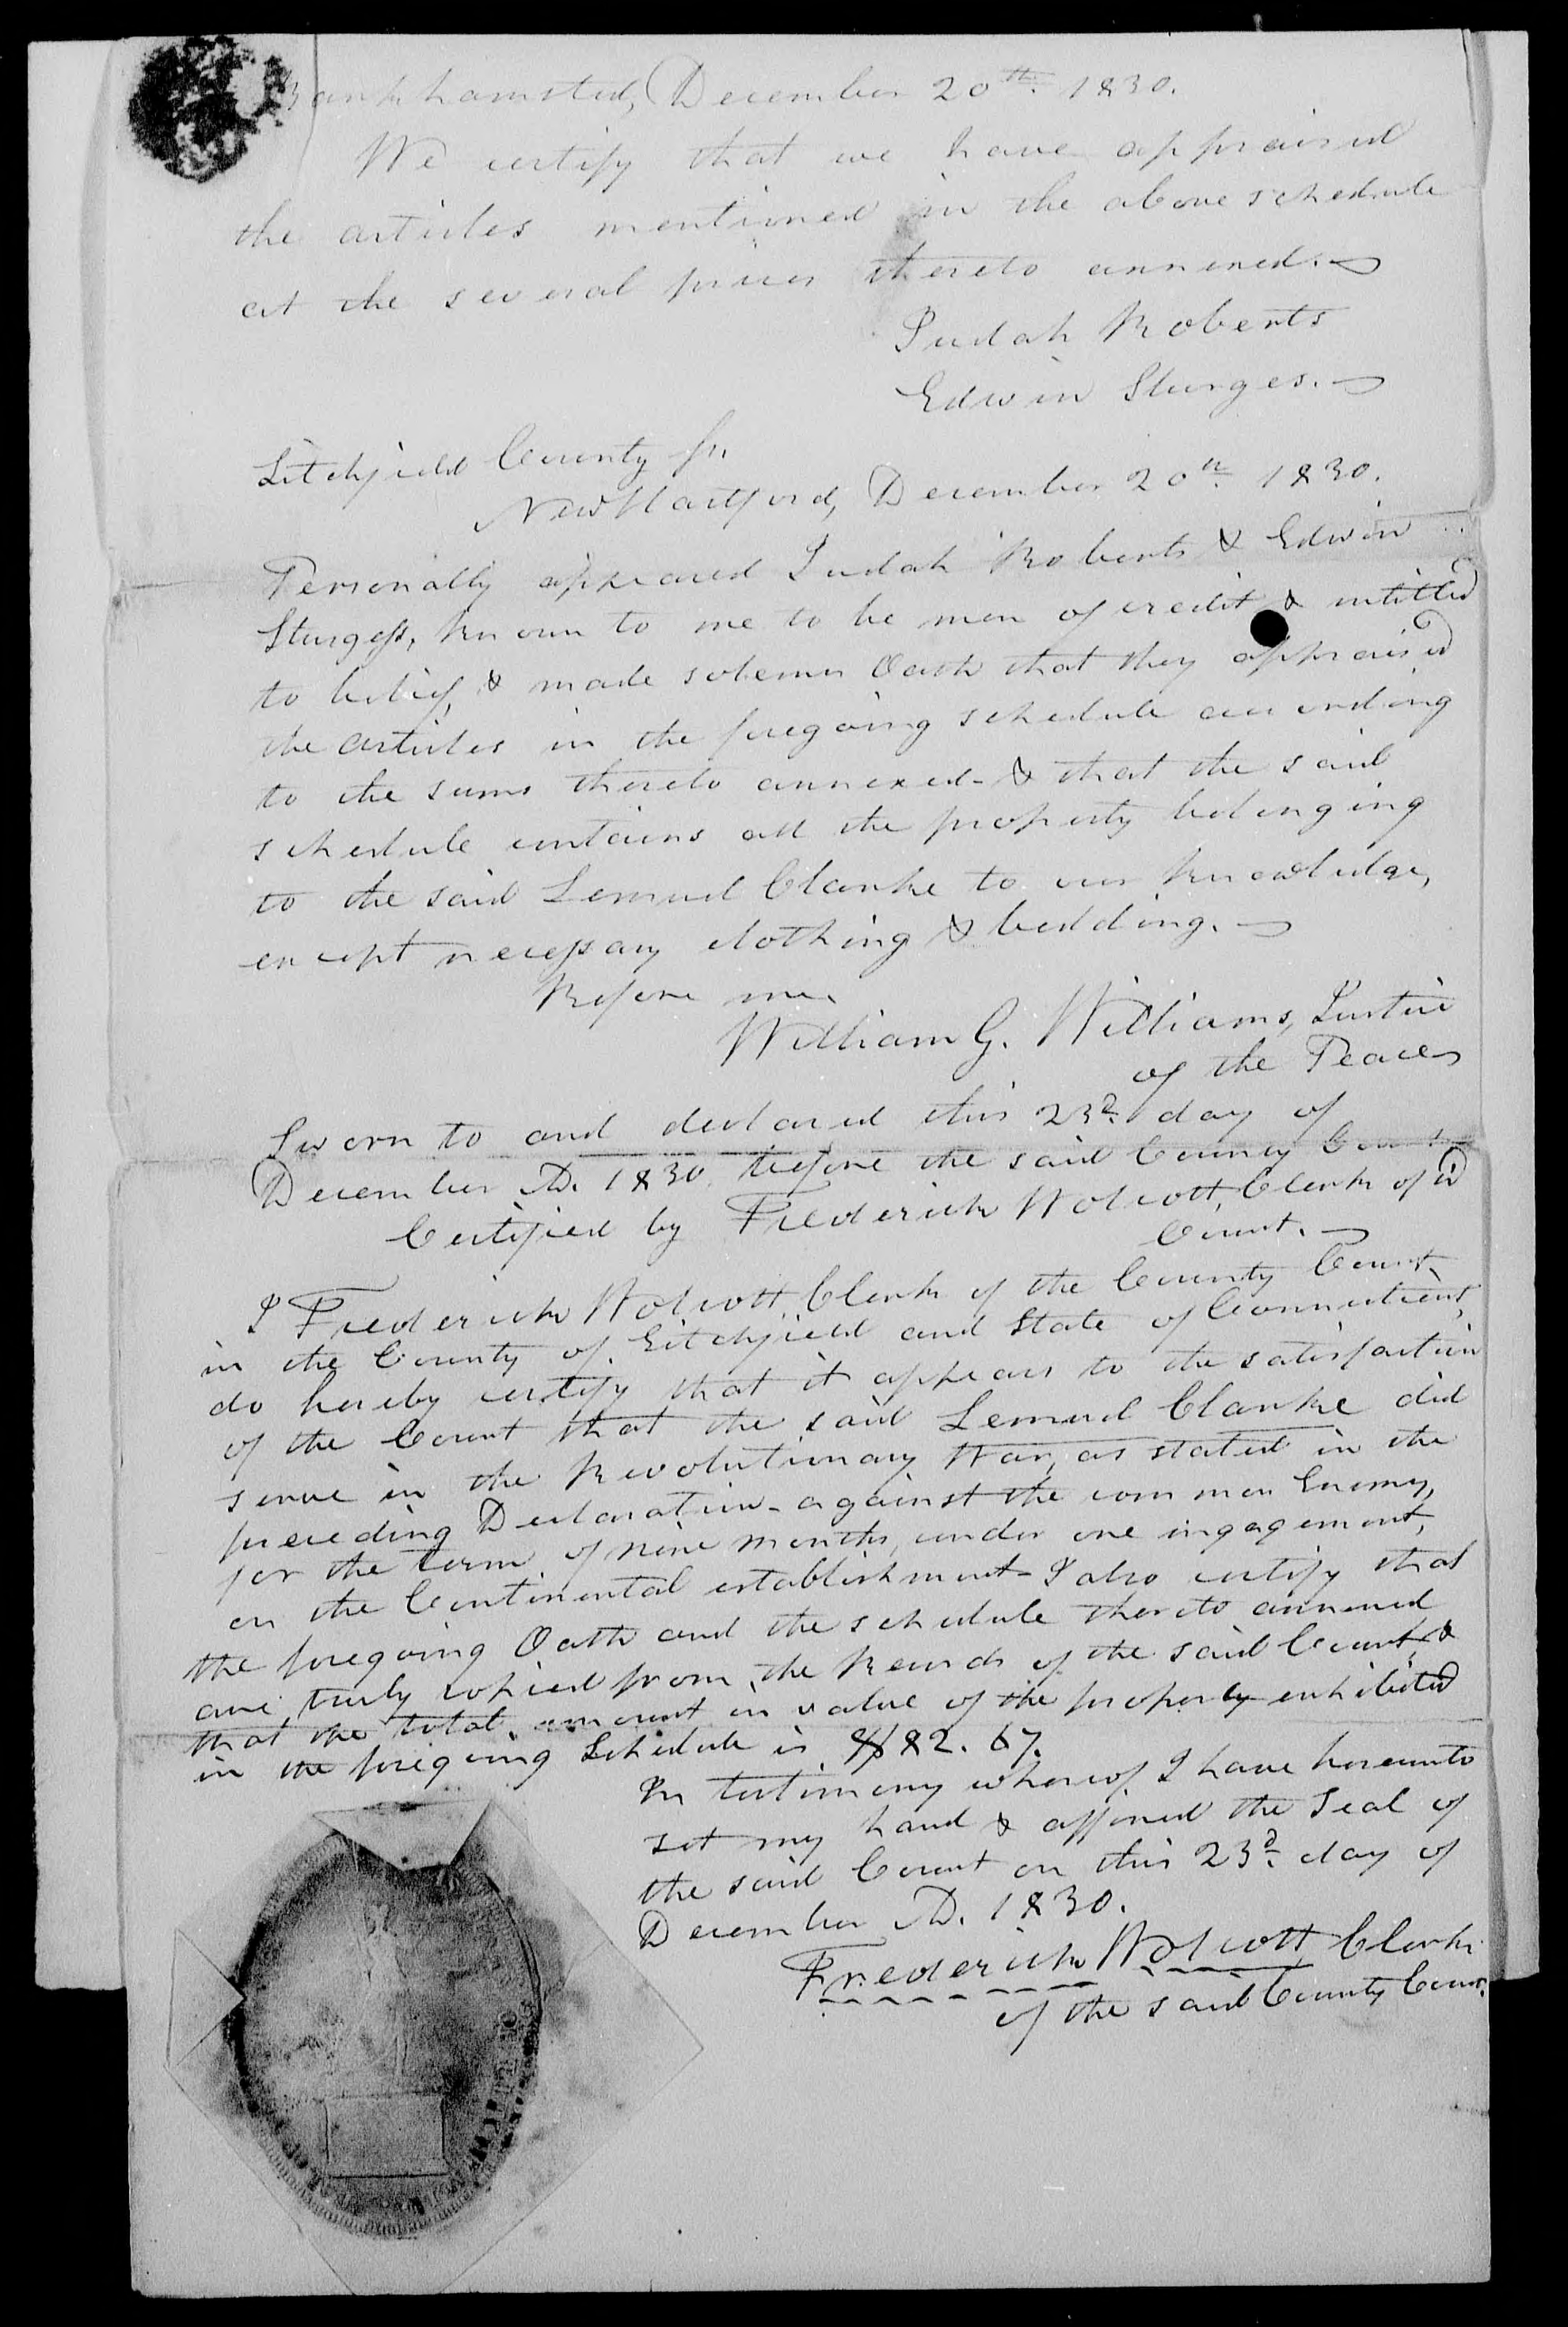Bankhamsted, December 20th 1830 

We certify that we have appraised the articles mentioned in the above Schedule at the several prices thereto annexed. 
Judah Roberts 
Edwin Sturges 

Litchfield County ss
New Hartford, December 20th 1820 Personally appeared Judah Roberts & Edwin Sturgess, known to me to be men of credit & entitled to belief & made solemn oath that they appraised the articles in the foregoing schedule according to the sums thereto annexed & that the said schedule contains all the property belonging to the said Lemuel Clarke to our knowledge except necessary clothing & bedding. Before me William G. Williams, Justice of the Peace 

Sworn to and declared this 23d day of - December A 1830 before the said County Certified by Frederick Wolcott, Clerk of Court 

I Frederick Wolcott Clerk of the County Court in the County of Litchfield and State of Connection do hereby certify that it appears to the satisfaction of the Court that the said Lemuel Clarke did serve in the Revolutionary War as stated in the preceding Declaration, against the common Enemy for the term of nine months, under one engagement, in the Continental establishment. I also certify that the foregoing oath and the schedule thereto annexed and truly copied from the hands of the said Court & that the total amount in value of the property exhibited in the foregoing Schedule is $82.67. Let my hand & affixed the Seal of the said Court on this 23d day of December AD. 1830. Frederick Wolcott Clark  of the said County Court Litchfield County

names: Judah Roberts, Edwin Sturgess, Friderick Wolcott, Lemuel Clarke, William G Williams, Lemuel Clarke, Edwin Sturgess, Frederick Wolcott, Judah Roberts, Frederick Wolcott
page: 46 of 48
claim: survivor's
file: S. 17343, Lemuel Clarke, Mass.